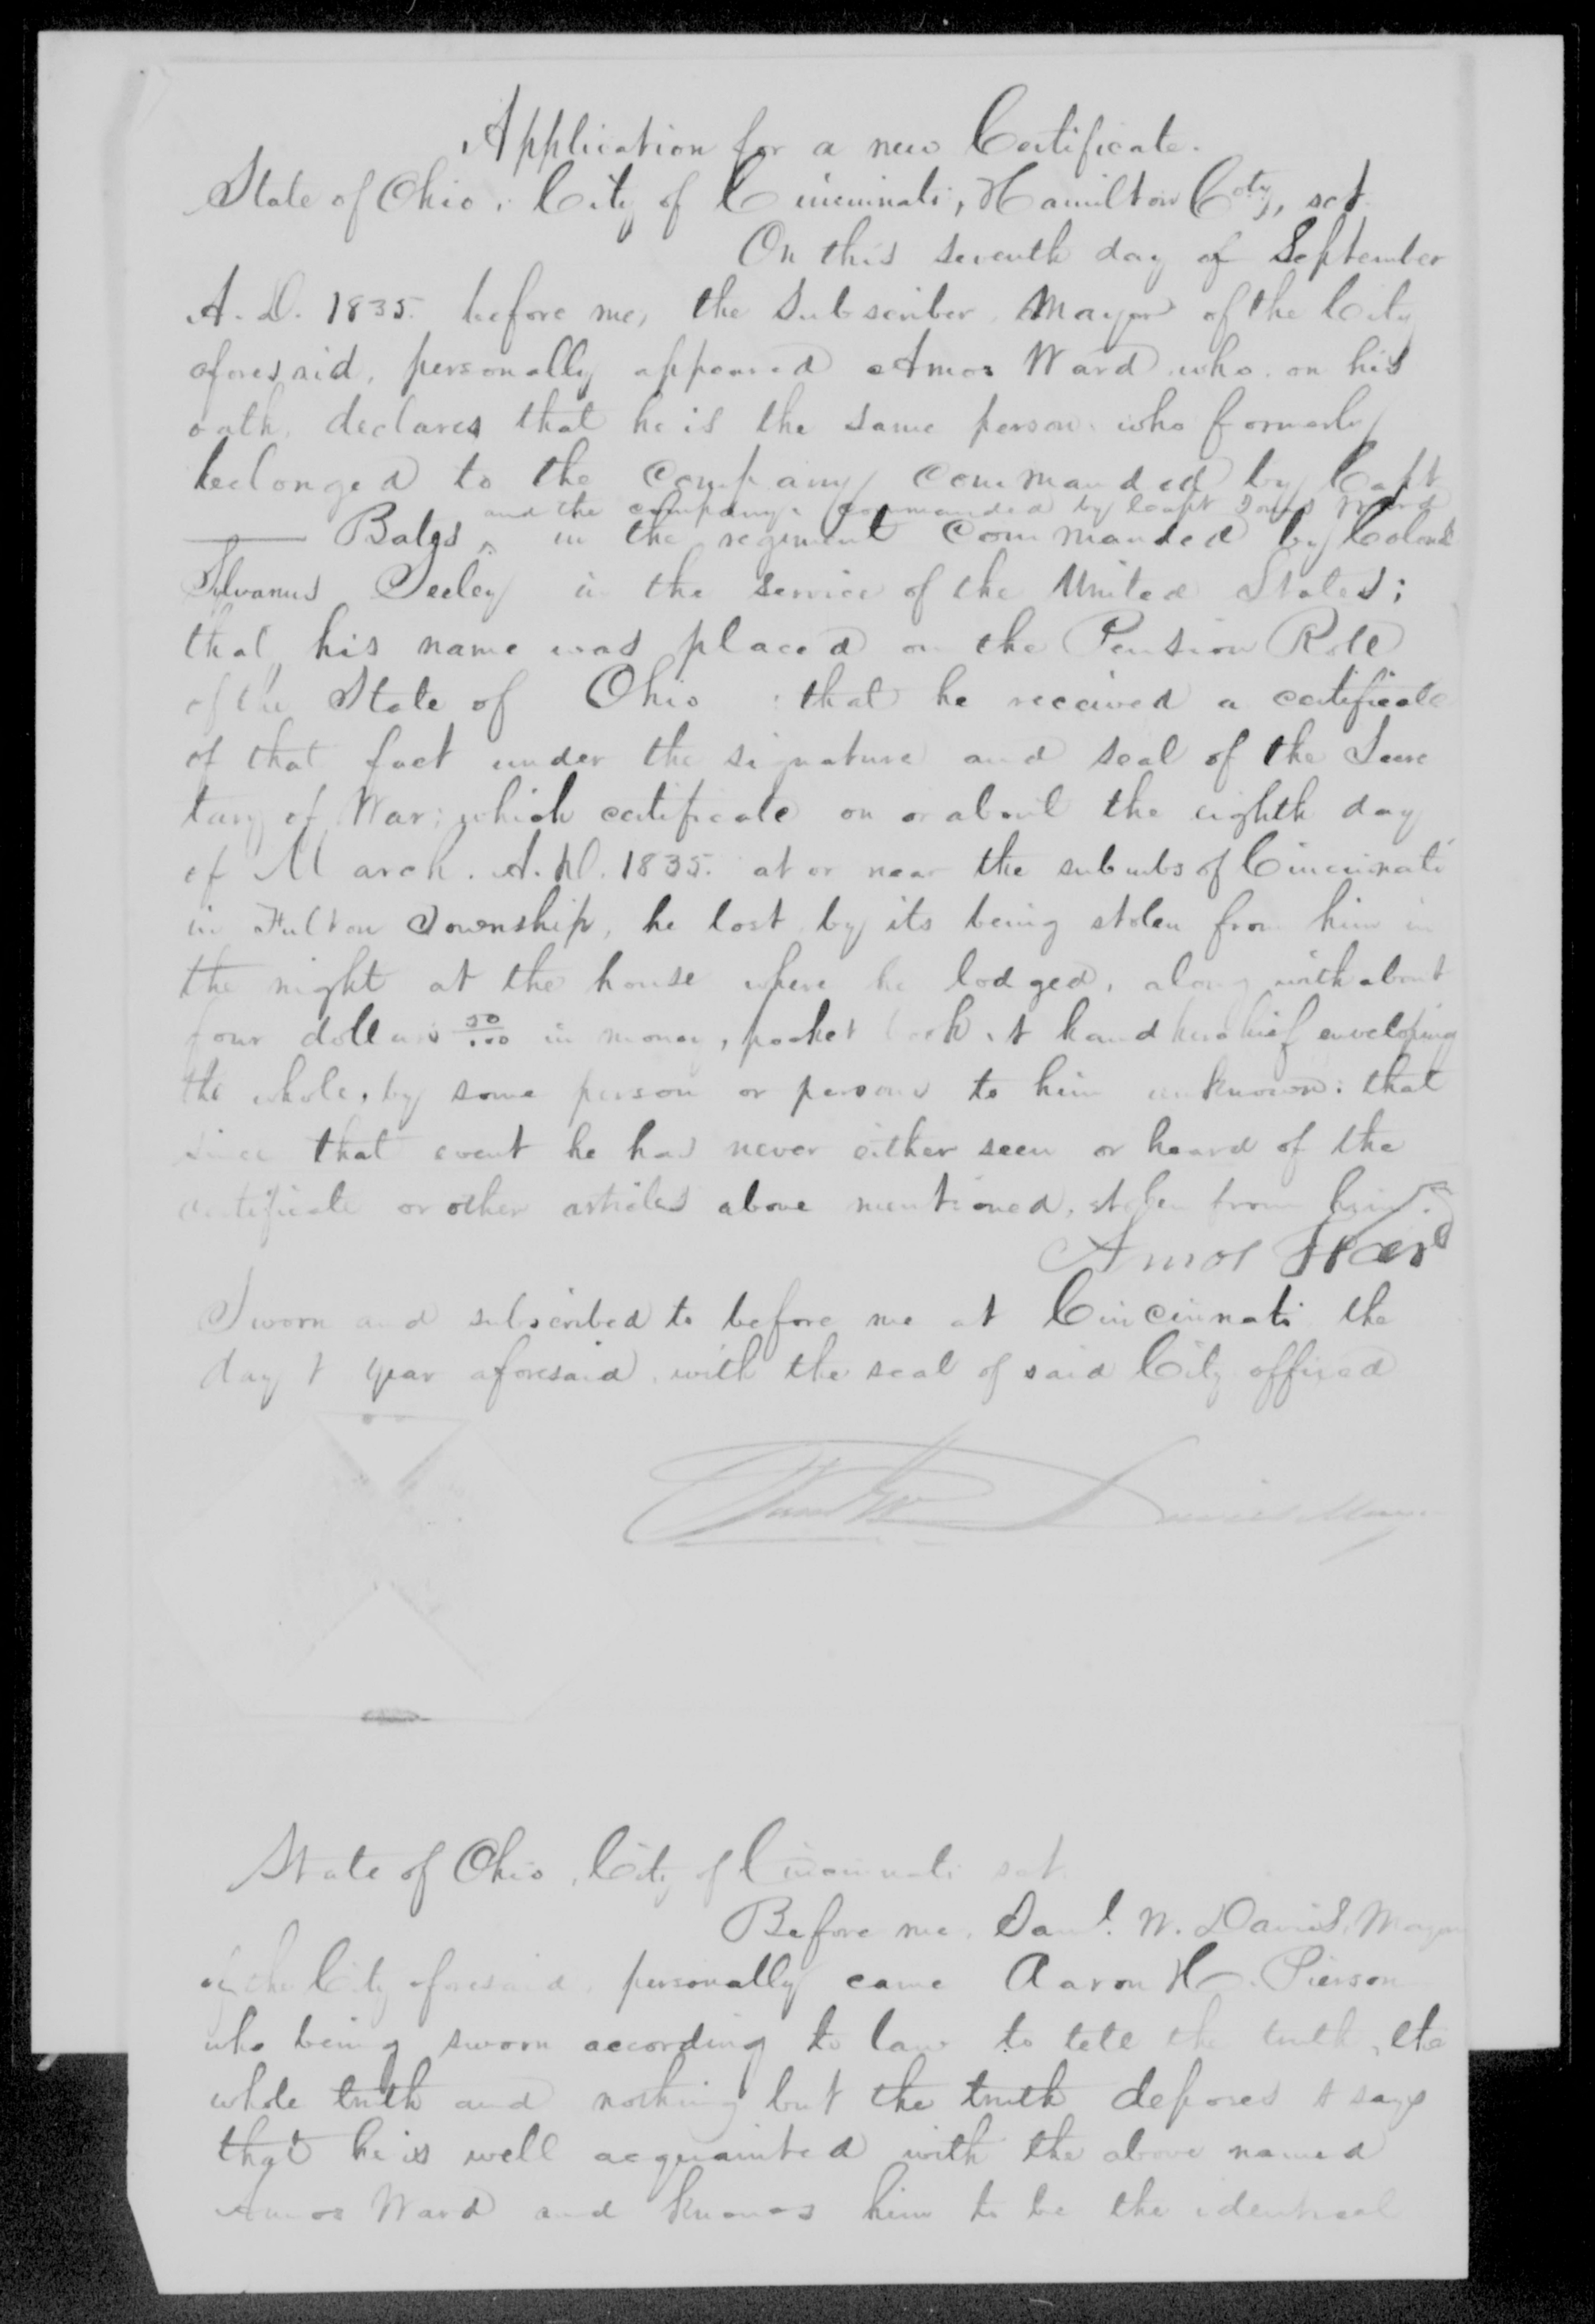Application for a new Certificate.
State of Ohio. City of Cincinnati, Hamilton Coty, sct 
On this seventh day of September A.D. 1835, before me, the Subscriber Mayor of the City aforesaid, personally appeared Amos Ward who. on his oath, declares that he is the Same person who formerly belonged to the Company commanded by Capt ___ Bates and the company commanded by Capt Jonas Ward in the regiment Commanded by Colonel Sylvanus Seeley in the service of the United States; that his name was placed on the Pension Roll of the State of Ohio: that he received a certificate of that fact under the signature and seal of the Secretary of War; which certificate on or about the eighth day of March. A.D. 1835. at or near the suburbs of Cincinnati in Fulton Township, he lost by its being stolen from him in the night at the house where he lodged, along with about four dollars 50/100 in money, pocket book, & hand handkerchief enveloping the whole, by some person or persons to him unknown; that since that event he has never either seen or heard of the certificate or other articles above mentioned, stolen from him. 
Amos Ward 
Sworn and subscribed to before me at Cincinnati the day & year aforesaid, with the seal of said City affixed 
Saml W Davies Mayor

State of Ohio, City of Cincinnati sct 
Before me, Saml W. Davies Mayor of the City aforesaid, personally came Aaron H. Pierson who being sworn according to law to tell the truth, the whole truth and nothing but the truth depored & says that he is well acquainted with the above named Amos Ward and knows him to be the identical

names: Josep Ward, Amos Ward, Saml W Davies, Bates, Amos Ward, Amos Ward, Sylvanus Seeley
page: 13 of 18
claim: survivor's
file: S. 4718, Amos Ward, New Jersey